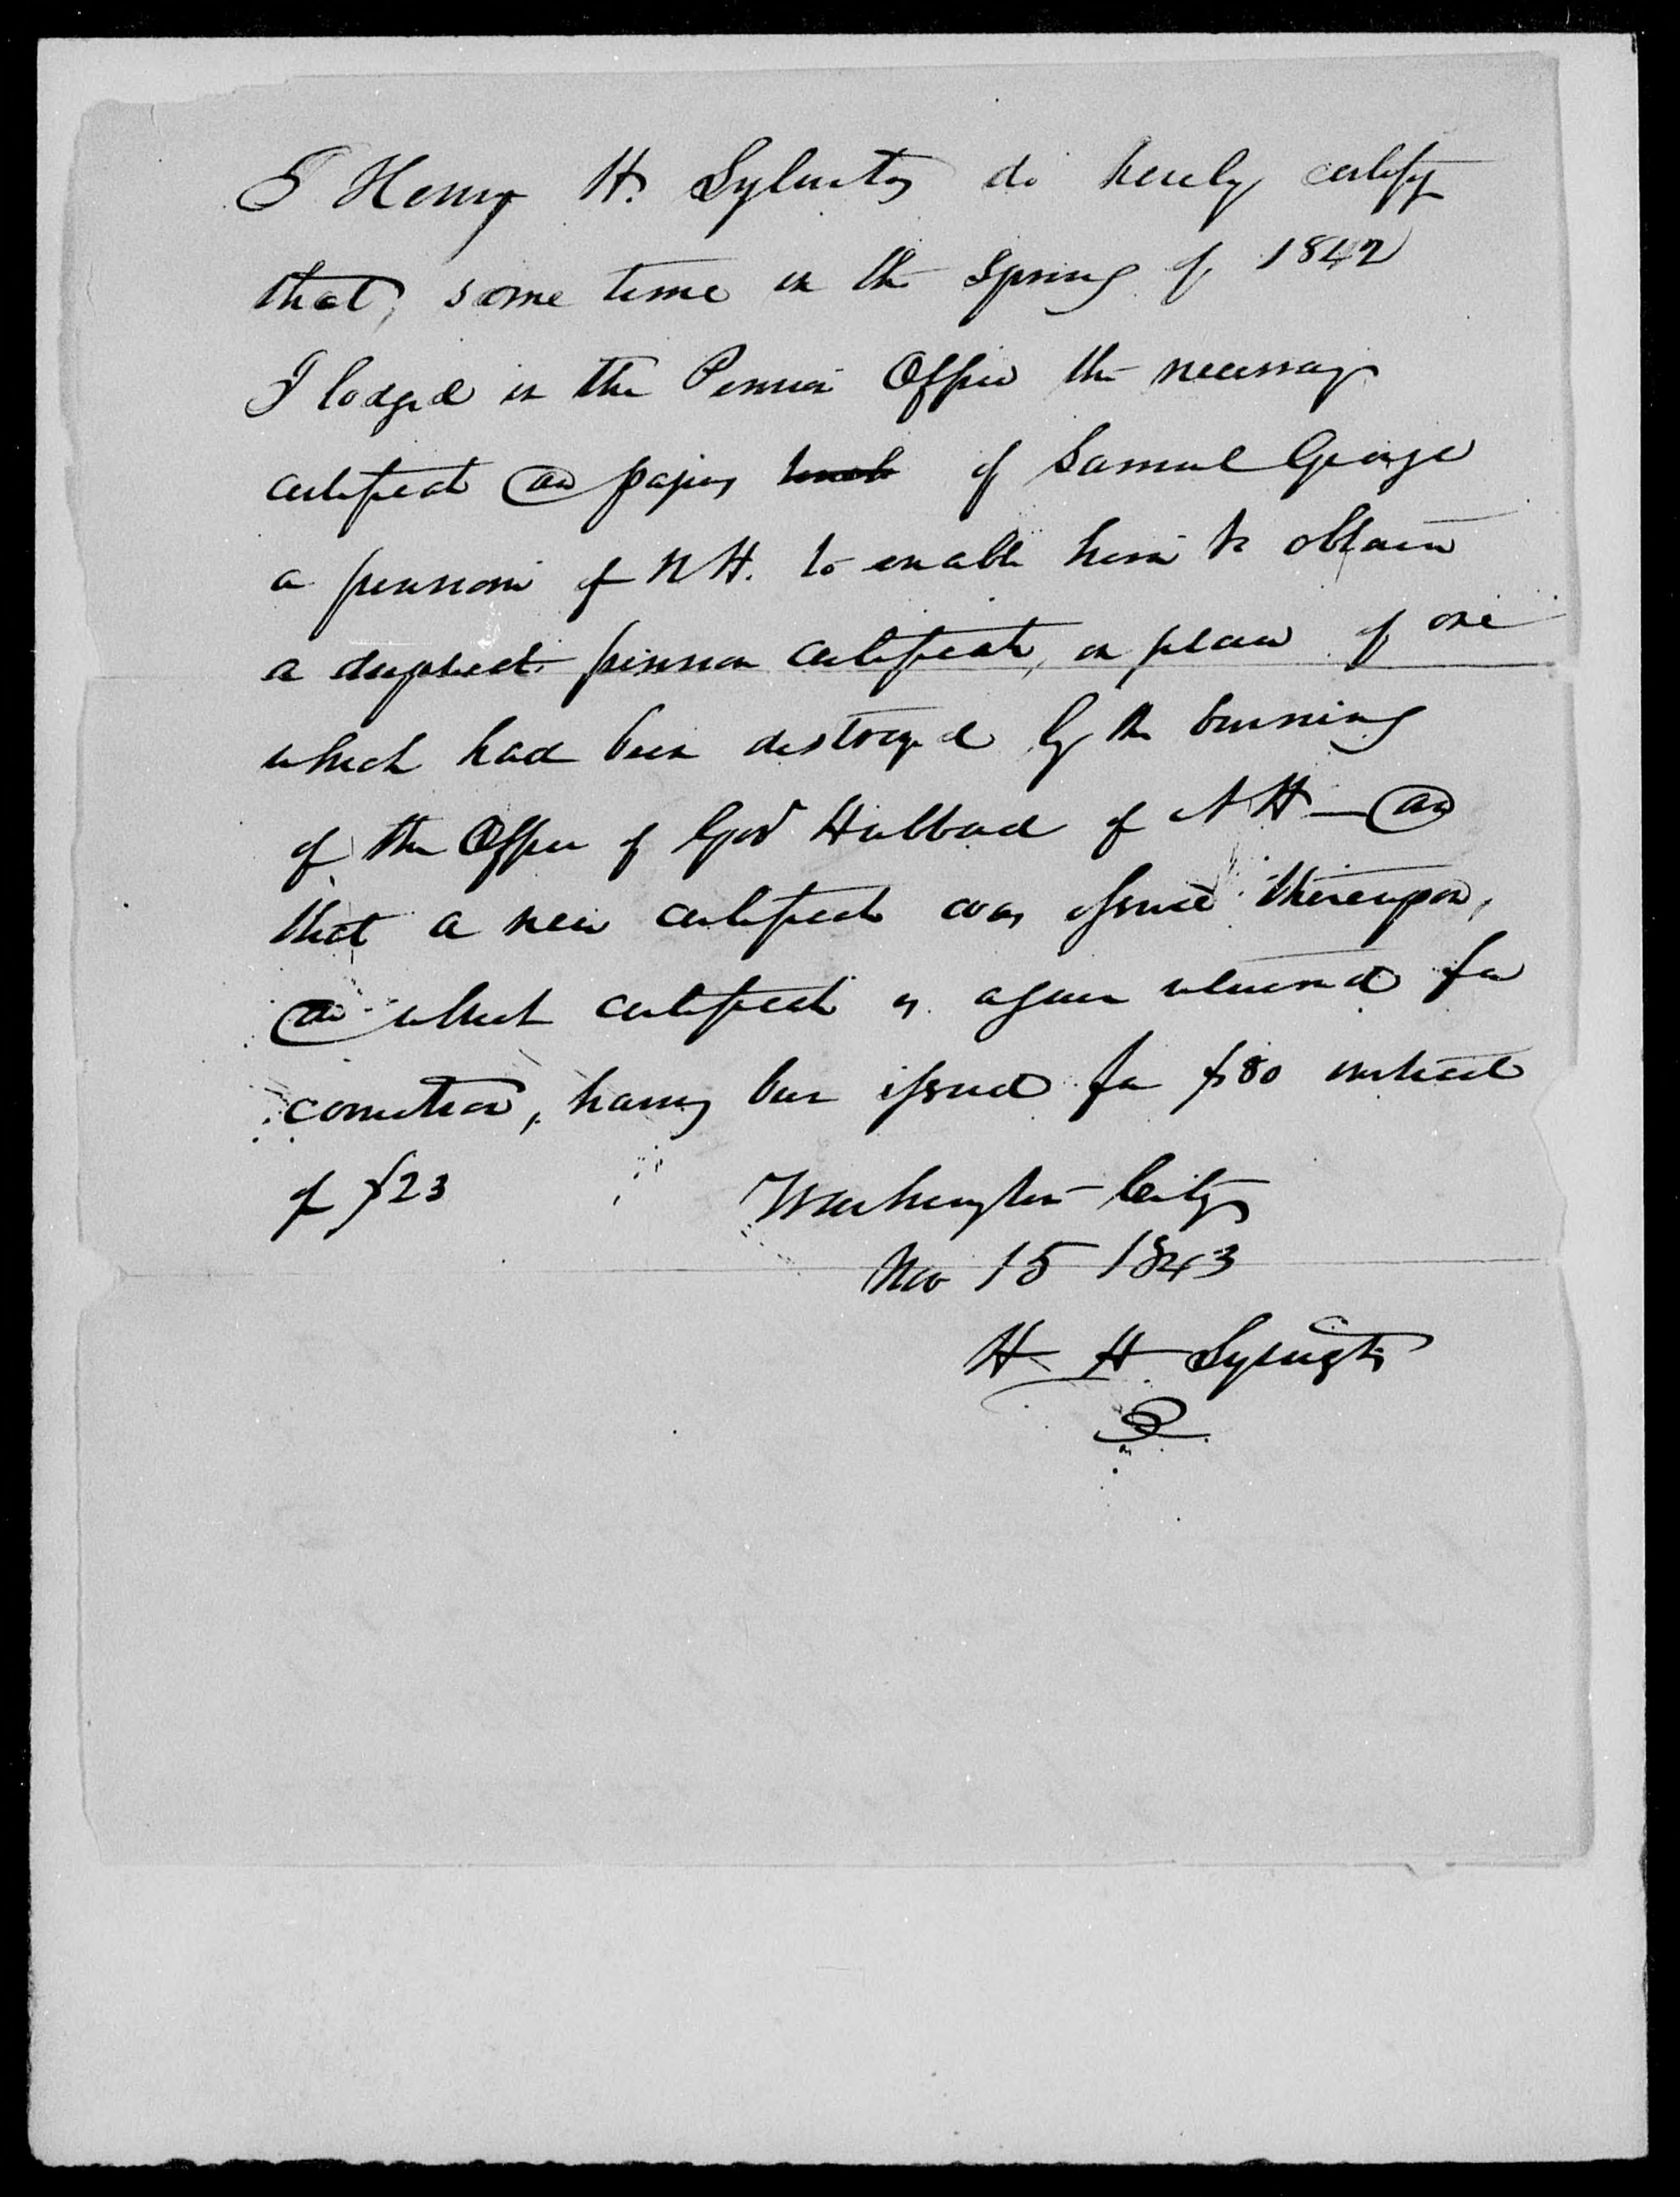I Henry H. Sylvester do hereby certify
that some time in the Spring of 1842
I lodged in the Pension Office the necessary
certificate and papers of Samuel George
a [illegible] of NH to enable him to obtain a duplicate pension certificate [illegible] of one which had been destroyed by the burning of the Office of [illegible] Hubbard of N.H. and that a new certificate [illegible] thereupon, and which certificate [illegible] having been issued for $80 instead of $23.

Nov 15 1843
H. H. Sylvester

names: Henry H Sylvester, Samul George, Hubbad, H H Sylvester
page: 12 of 19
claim: survivor's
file: S. 15140, Samuel George, N.H.